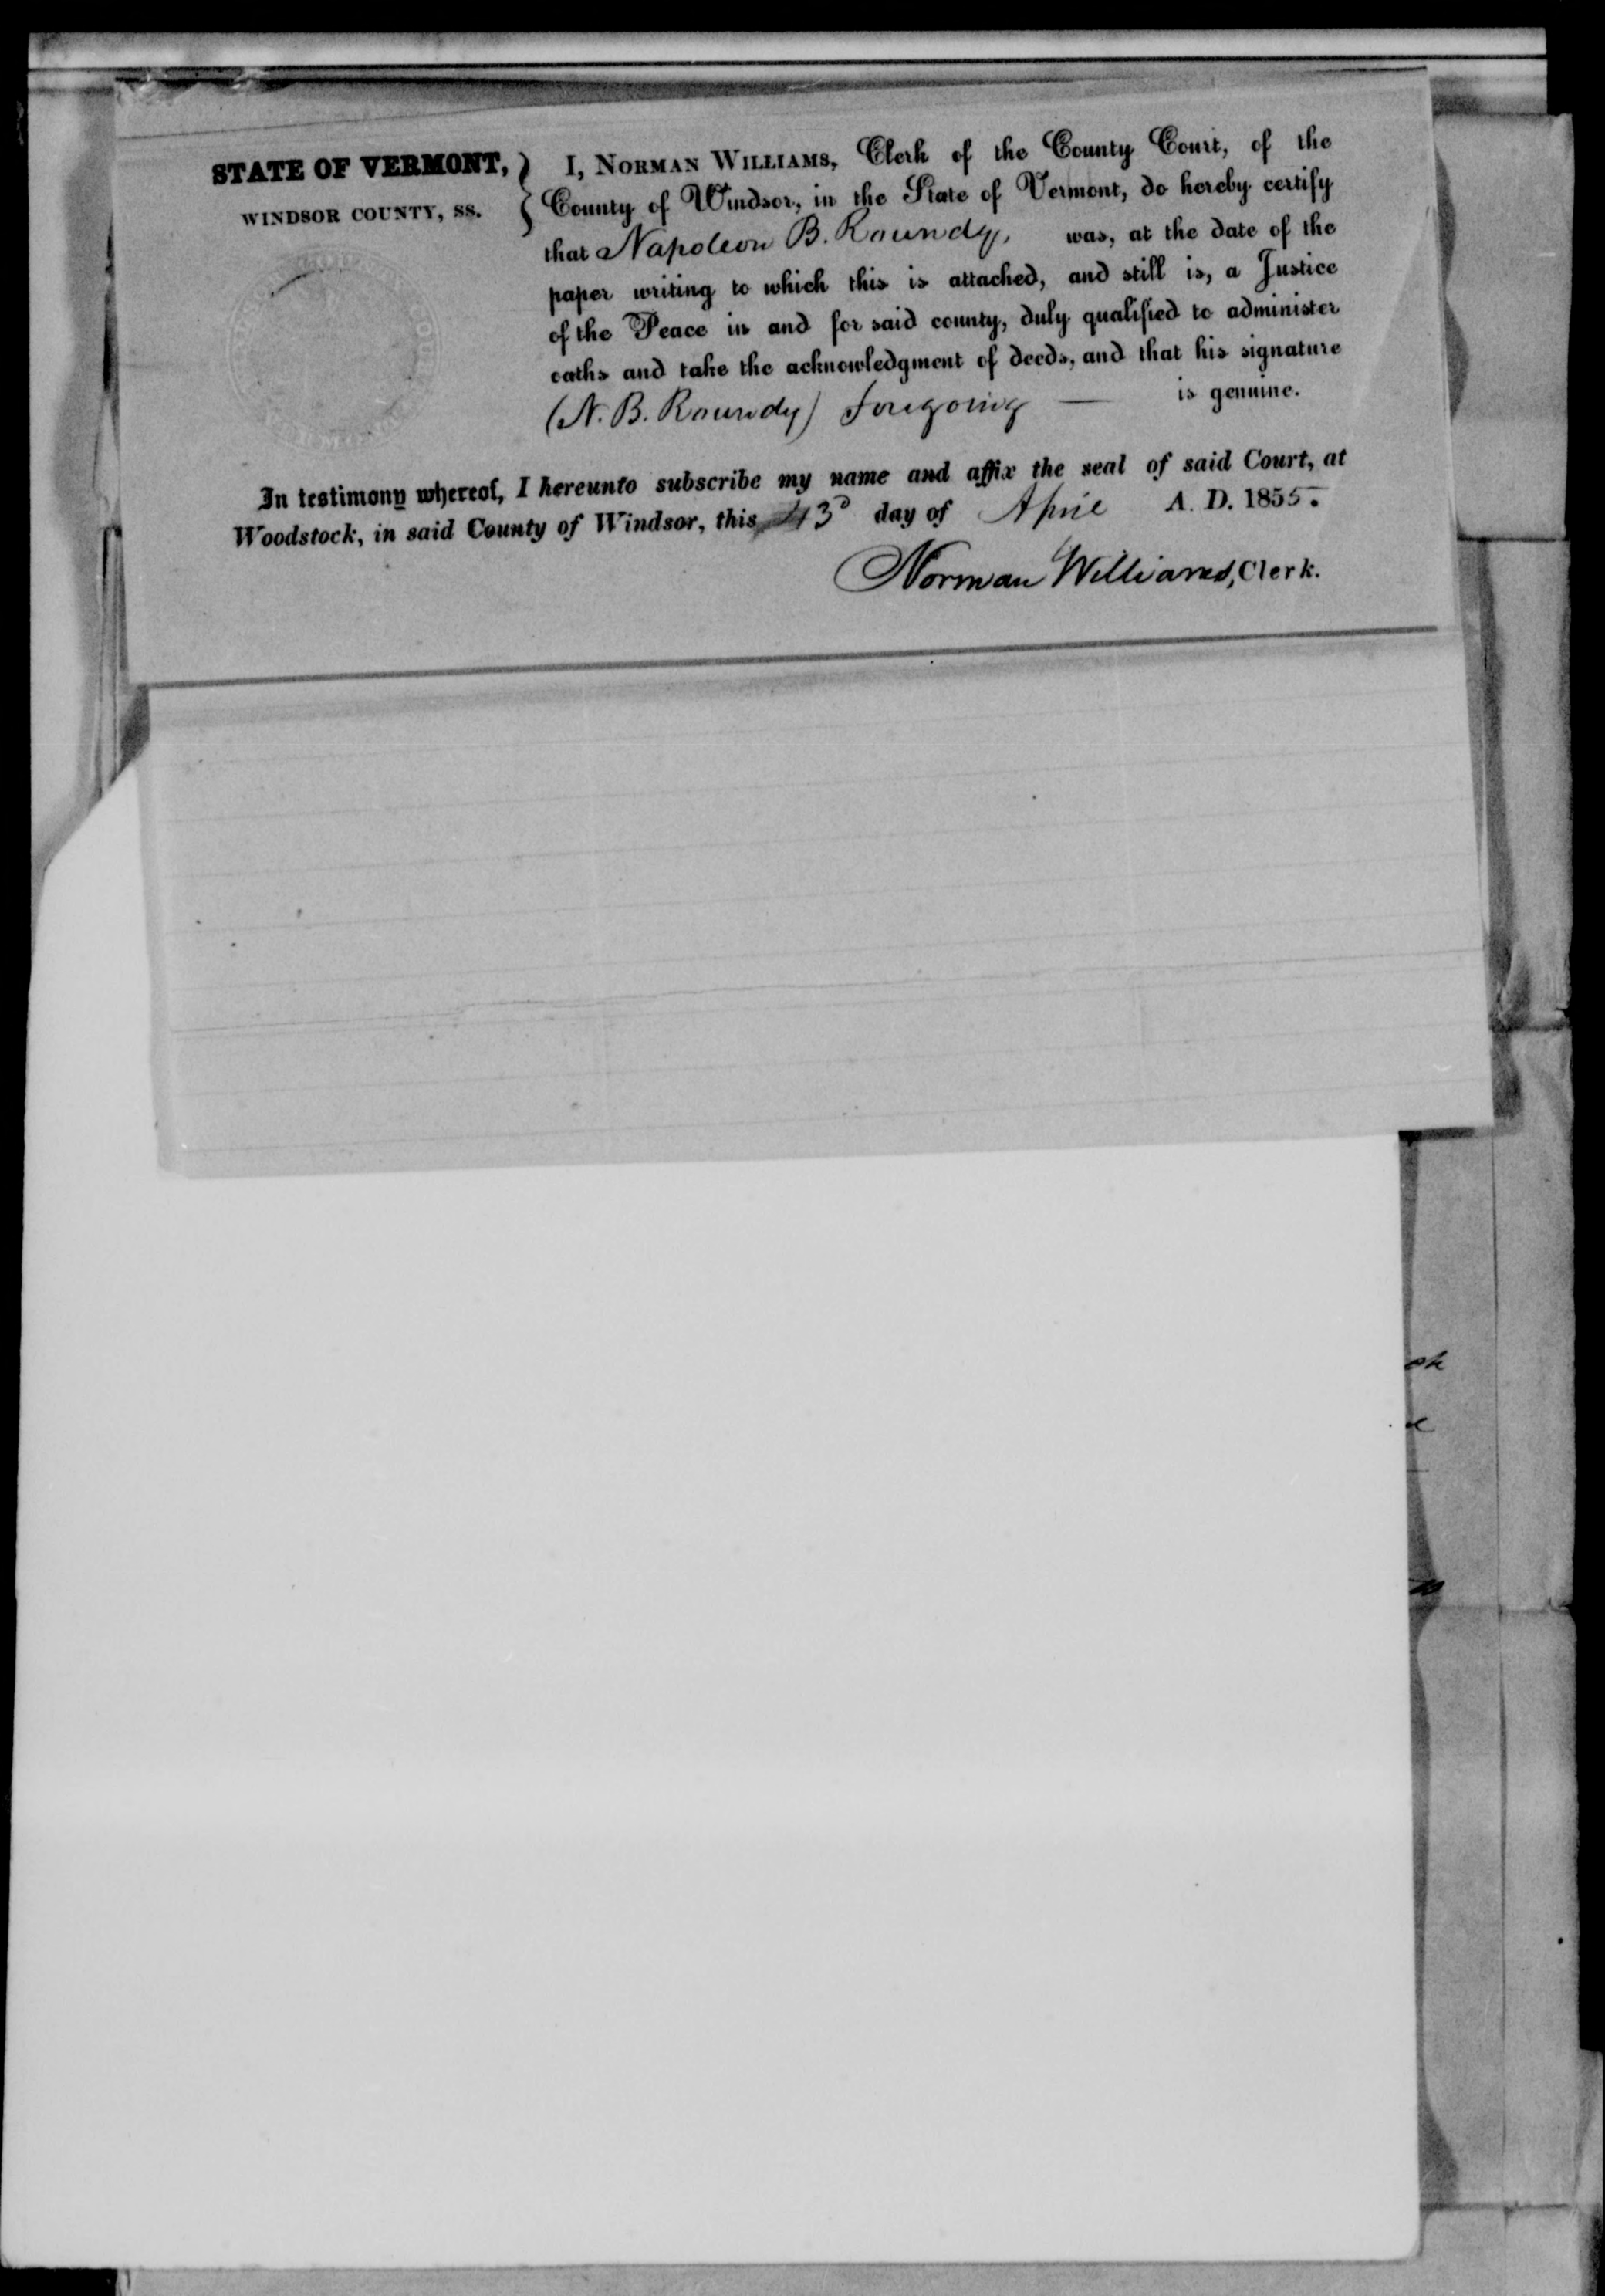State of Vermont
Windsor County, ss
I, Norman Williams, Clerk of the County Court, of the County of Windsor, in the State of Vermont, do hereby certify that Napoleon B. Roundy was, at the date of the paper writing to which this is attached, and still is, a Justice of the Peace in and for said county, duly qualified to administer oaths and take the acknowledgment of deeds, and that his signature (N. B. Roundy) foregoing is genuine.
In testimony whereof, I hereunto subscribe my name and affix the seal of said Court, at Woodstock, in said County of Windsor, this 3d day of April A. D. 1855.
Norman Williams, Clerk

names: Norman Williams, Napoleon B Roundy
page: 10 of 66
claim: widow's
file: W. 2468, Amos Wetherbee, Mass.